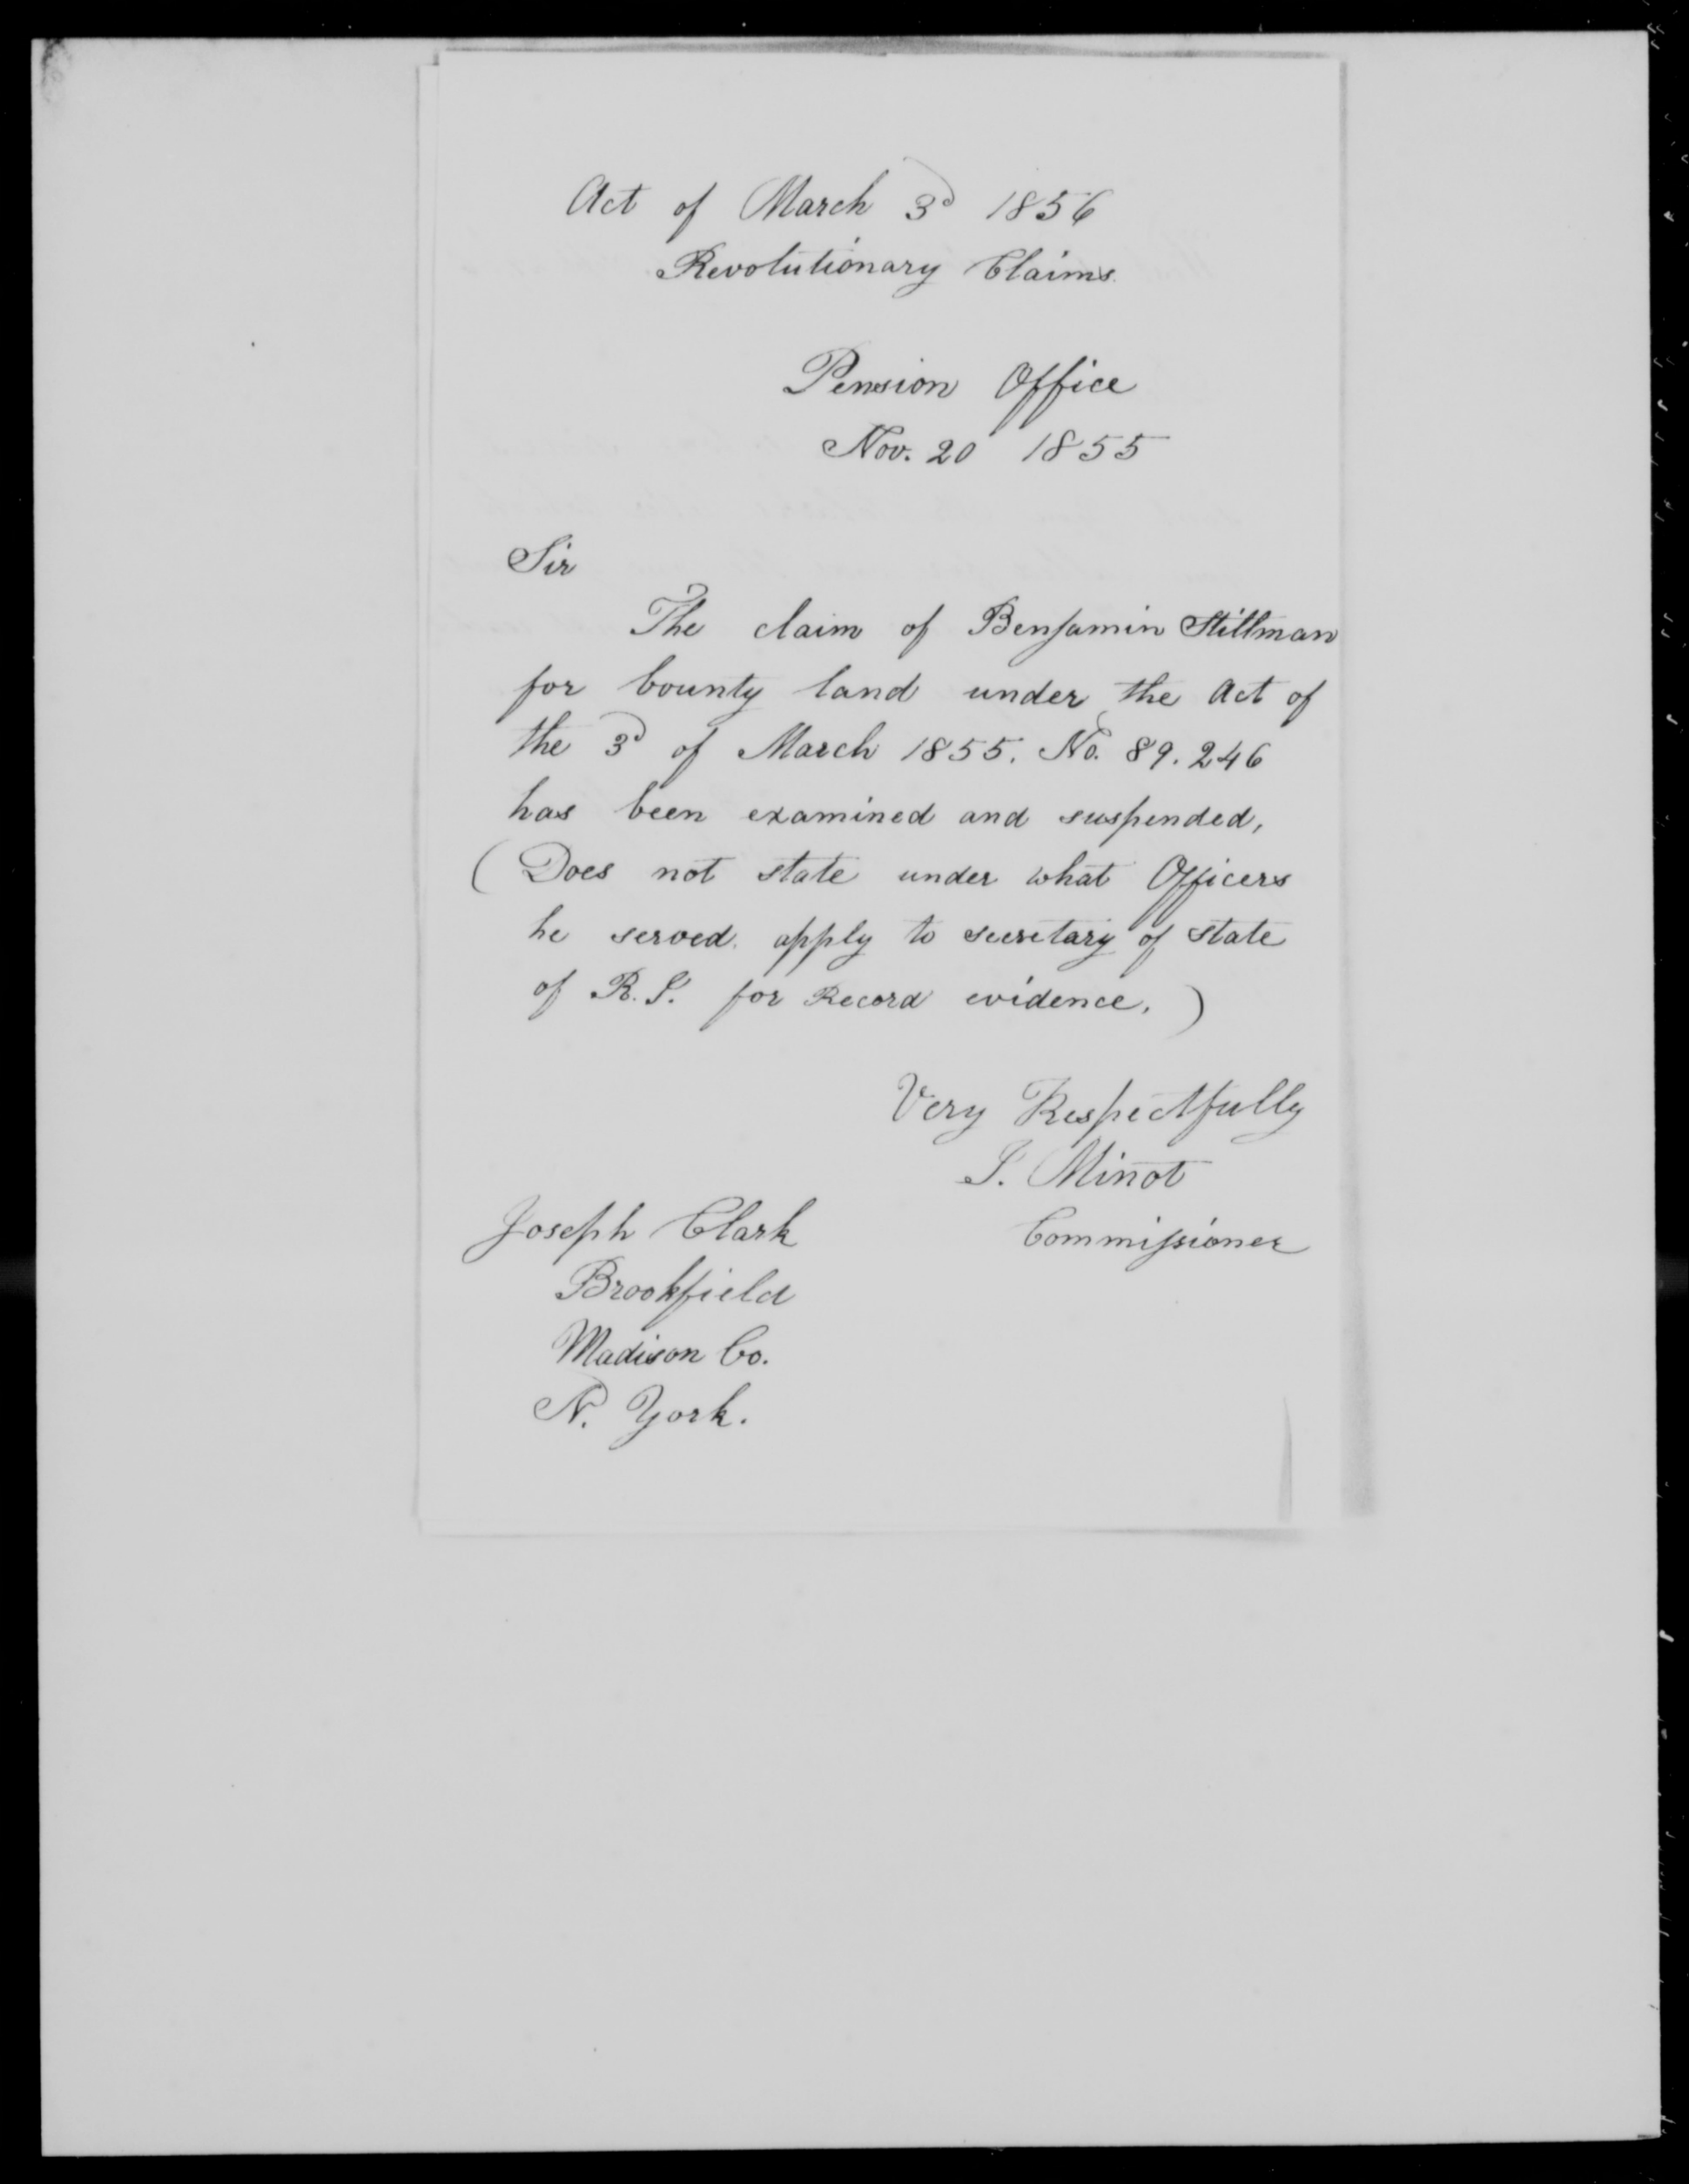Act of March 3d 1856 
Revolutionary Claims 

Pension Office 
Nov. 20 1855 
Sir
The claim of Benjamin Stillman for bounty land under the act of the 3d of March 1855. No. 89.246 has been examined and suspended, (Does not state under what officers he served. apply to secretary of State of R.J. for Record evidence,)
Very Respectfully 
J. Minot
Commissioner

Joseph Clark 
Brookfield 
Madison Co 
N. York.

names: Joseph Clark; J Minot; Benjamin Stillman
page: 26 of 29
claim: bounty land warrant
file: B.L.Wt.47987-160-55, for Benjamin Stillman, Rhode Island